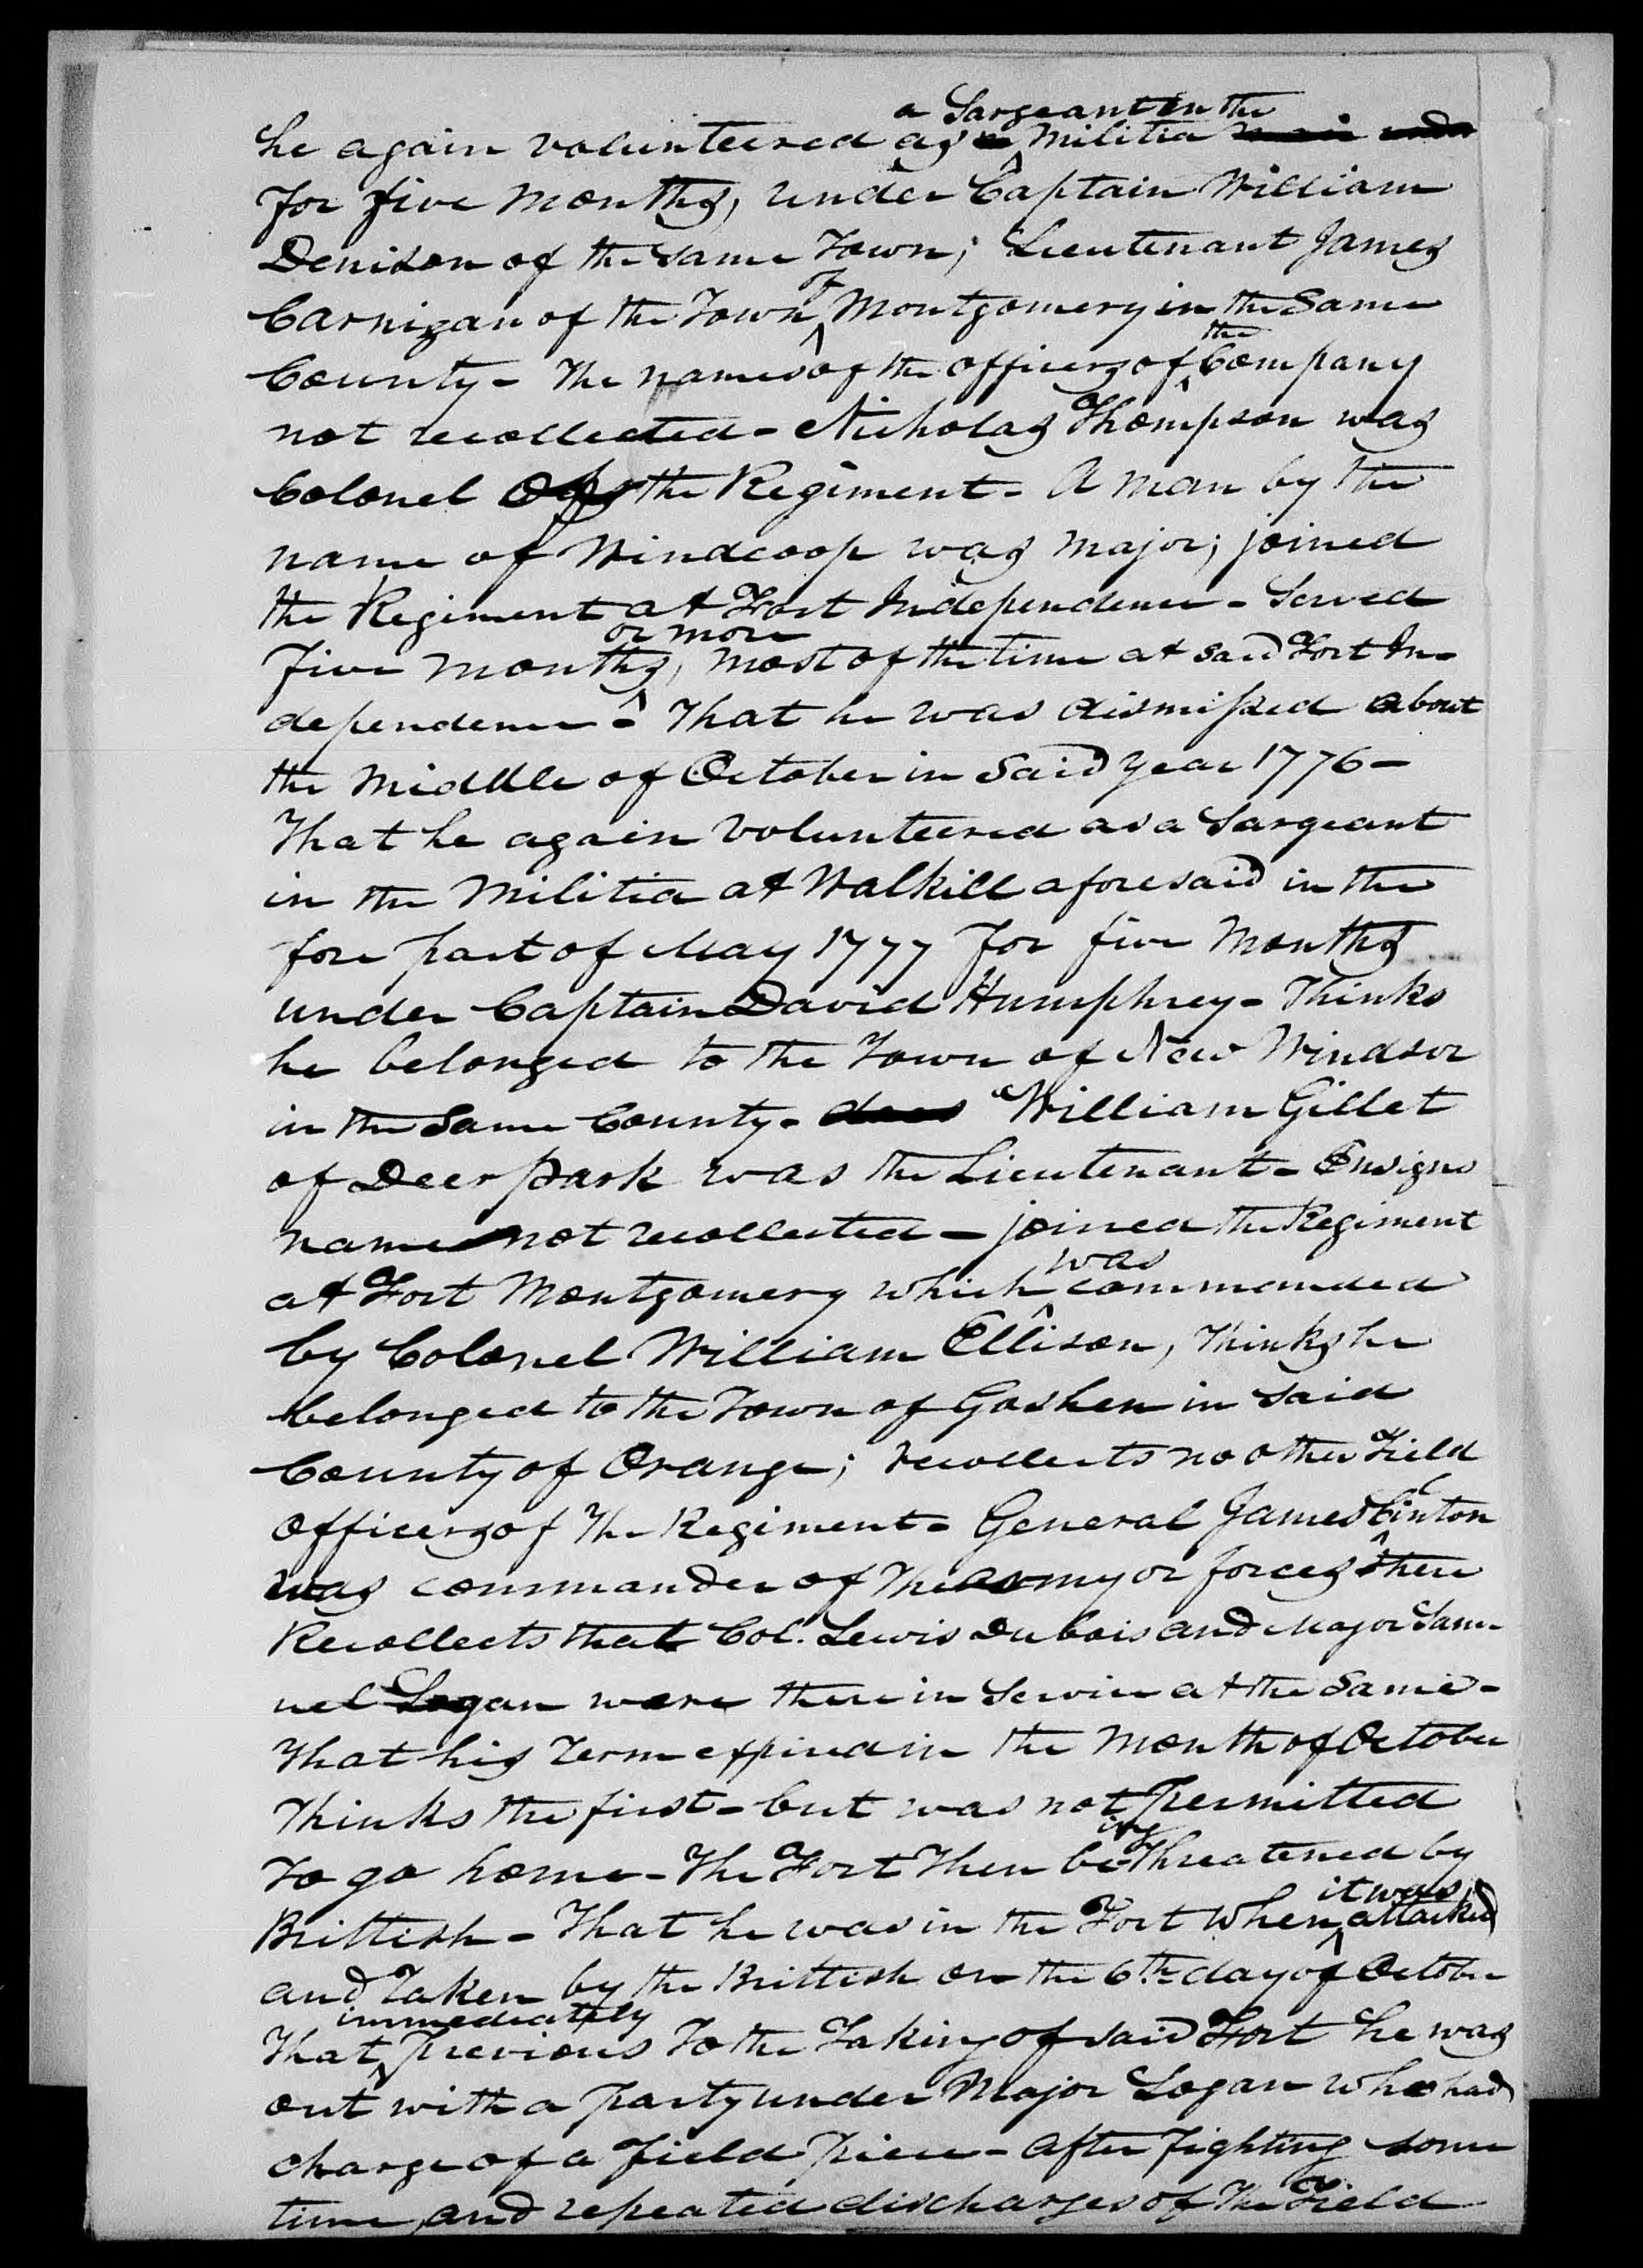he again volunteered as a  Sargeant in the militia for five months, under Captain William Denison of the same Town, Lieutenant James Carrigan of the Town of Montgomery in the same County - 
The names of the officers of the Company not recollected - Nicholas Thompson was Colonel of the Regiment. A man by the name of Wincoop was Major; joined the Regiment at Fort Independence - served five months or more, most of the time at said Fort Independence -that he was dismissed about the middle of October in said year 1776 - 
That he again volunteered as a Sargeant in the Militia at Walkill aforesaid in the fore part of May 1777 for five months under Captain David Humphrey - Thinks he belonged to the Town of New Windsor in the same County - William Gillet of Deerpark was the Lieutenant- Ensigns name not recollected - joined the Regiment at Fort Montgomery which commanded by Colonel William Ellison, thinks he belonged to the Town of Goshen in said County of Orange; recollects no other field Officers of the Regiment - General James Clinton was commander of the army or forces there Recollects that Col. Lewis Dubois and Major Samuel Logan were there in service at the same- 
that his term expired in the month of October thinks the first, but was not permitted to go home -  The Fort then being threatened by Brittish - That he was in the Fort when it was attacked and taken by the Brittish on the 6th day of October 
That immediately previous to the taking of said Fort he was out with a party under Major Logan who had  charge of a field piece -  after fighting some time and repeated discharge of the field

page: 13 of 30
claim: survivor's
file: S. 13,873, for William Mapes, New York